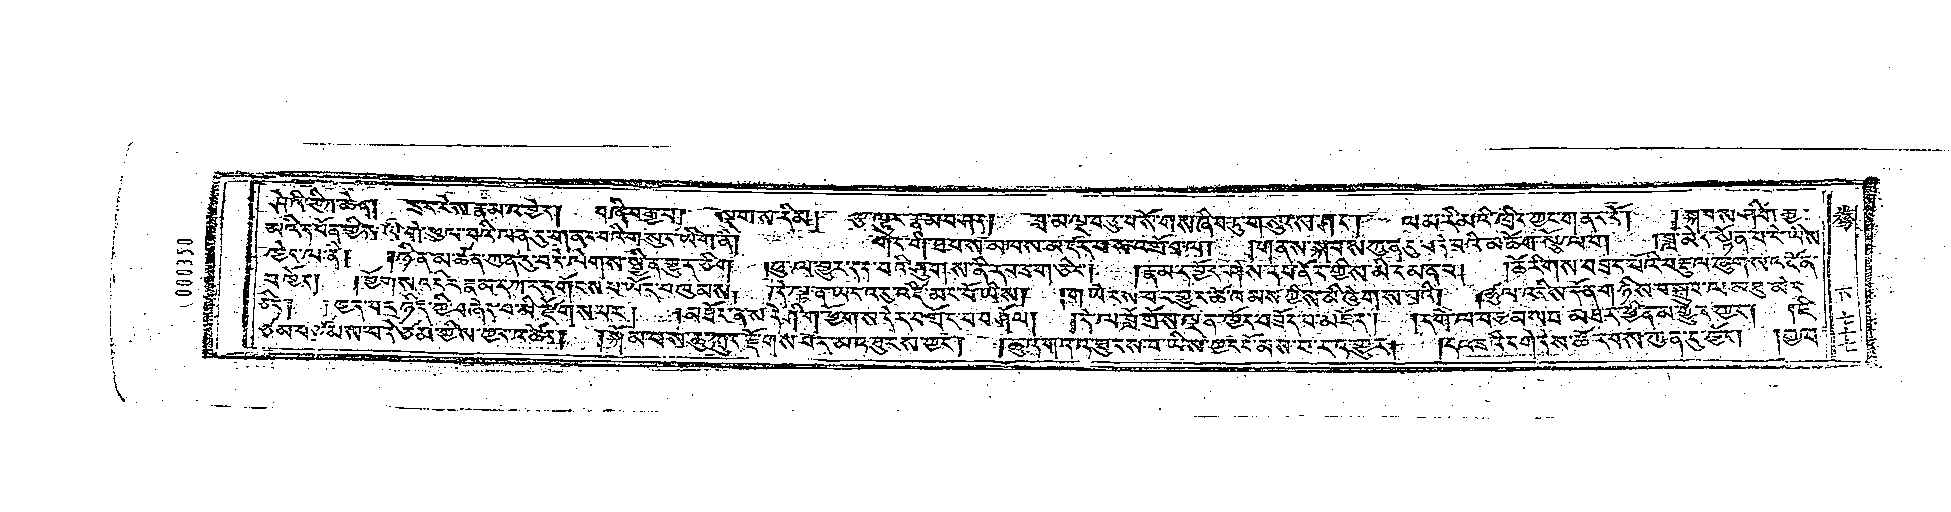ཤེའི་ཊིཀ་ཆེན། དྲང་ངེས་རྣམ་འབྱེད། བཞི་བརྒྱ་པ། སྔགས་རིམ། རྩ་ལྟུང་རྣམ་བཤད། བླ་མ་ལྔ་བཅུ་པ་སོགས་ཞིབ་ཏུ་གསུངས་ཤར། ལམ་རི་མའི་ཁྲིད་ཀྱང་གནང་ངོ། །སྐབས་ཤིག་རྒྱ་
མའི་དཔོན་གྱིས་ཡི་གེ་ཕུལ་བའི་ལན་དུ་གནང་བའི་གསུང་ཡིག་ནི། གང་གི་ཐབས་མཁས་མཛད་པས་འགྲོ་བ་ལ། །གནས་སྐབས་ཀུན་དུ་བདེ་བའི་མཆོག་སྩོལ་བ། །ཟླ་མེད་སྟོན་པ་དེ་ཡིས་
ཁྱེད་ལ་ནི། །ཉིན་མཚན་ཀུན་དུ་བདེ་ལེགས་སྤྱིན་གྱུར་ཅིག །ཕུལ་བྱུང་དད་བའི་ཤུགས་ནི་རབ་དྲག་ཅིང་། །རྣམ་དཔྱོད་ཤེས་རབ་ནོར་གྱིས་མི་དམན་པ། །ཆོ་རིགས་བཟང་པོའི་བརྡུལ་ཞུགས་འཛིན་
པ་ཁྱོད། །ཕྱོགས་འདིར་རྣམ་དཀར་དགོངས་པ་ཡོད་བ་ཁུམས། །དེ་ལྟ་ན་ཡང་འདུ་འཛི་མང་པོ་ཡིས། །གཡོངས་བར་གྱུར་ཚེ་ཁམས་ཀྱིས་མི་ཞུགས་པའི། །ཚུལ་འདིས་དོན་གཉིས་བསྒྲུབ་ལ་མཐུ་མེད་
ཅིང་། །ཁྱད་པར་ཉིད་ཀྱི་བཞེད་པ་མི་རྫོགས་པར། །མཐོང་ནས་རེ་ཤིག་ཕྱོགས་དེར་བགྲོད་པ་བཤོལ། །དེ་ལ་བློ་གྲོས་ལྡན་ཁྱོད་བཟོད་པ་མཛོད། །དགེ་ལ་བརྩམས་བ་མཐར་ཕྱིན་མ་གྱུར་ཀྱང་། །ཇི་
ཙམ་བཙམས་བ་དེ་ཙམ་གྱིས་ཀྱང་འཚེད། །སྐོམ་པས་ཆུ་ཀླུང་རྫོགས་པར་མ་འཐུངས་ཀྱང་། །ཆུ་འགའ་འཐུངས་བ་ཡིས་ཀྱང་ངོ་མས་བར་འགྱུར། །དེ་འདྲའི་དགེ་དེས་ཚེ་རབས་ཀུན་དུ་ཁྱོད། །རྒྱལ་